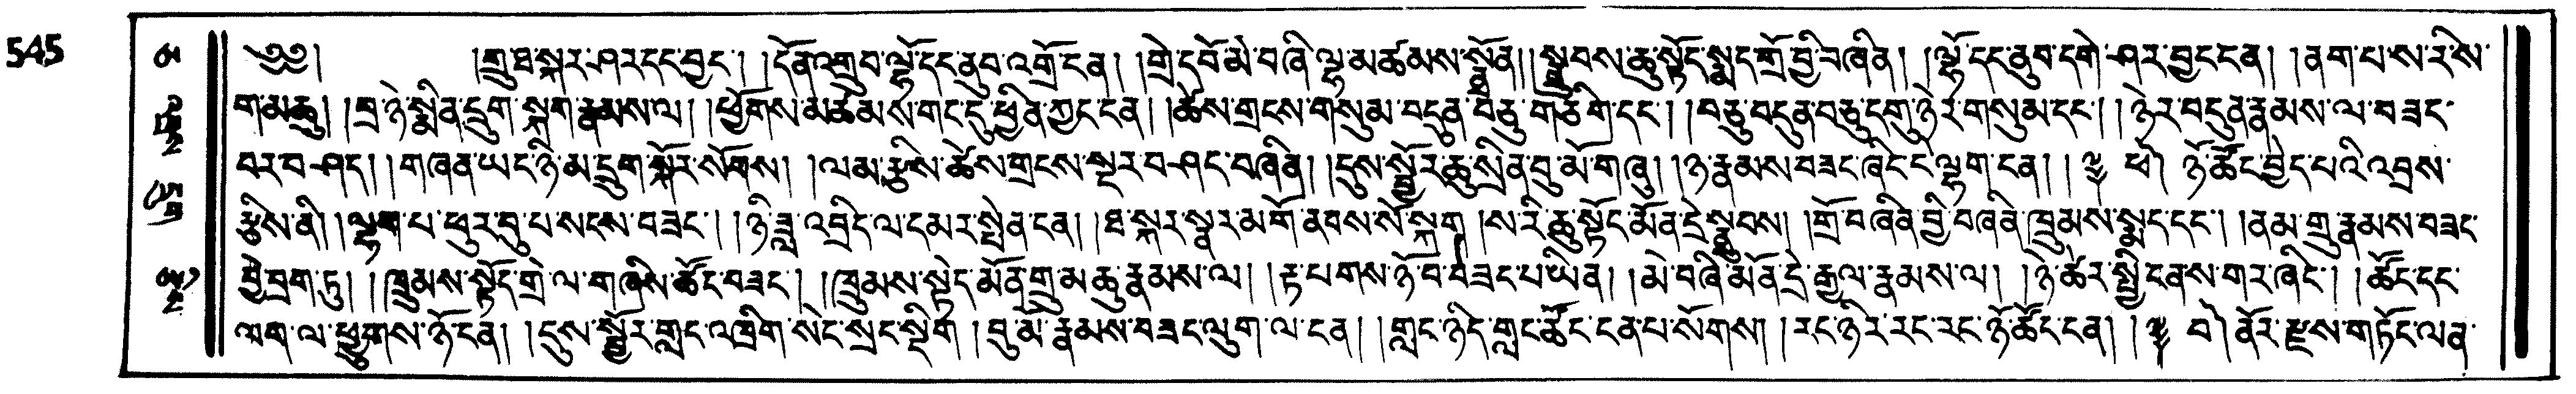༄༅། །གྲུ་ཐ་སྐར་ཤར་དང་བྱང་། །དོན་འགྲུབ་ལྷོ་དང་ནུབ་འགྲོ་ངན། །གྲེ་དབོ་མེ་བཞི་ལྷ་མཚམས་སྣྲོན། །སྣུབས་ཆུ་སྟོད་སྨད་གྲོ་བྱི་བཞིན། །ལྷོ་དང་ནུབ་དགེ་ཤར་བྱང་ངན། །ནག་པ་ས་རི་ས་
ག་མཆུ། །བྲ་ཉེ་སྨིན་དྲུག་སྐྲག་རྣམས་ལ། །ཕྱོགས་མཚམས་གང་དུ་ཕྱིན་ཀྱང་ངན། །ཚེས་གྲངས་གསུམ་བདུན་བཅུ་གཅིག་དང་། །བཅུ་བདུན་བཅུ་དགུ་ཉེར་གསུམ་དང་། །ཉེར་བདུན་རྣམས་ལ་བཟང་
བར་བཤད། །གཞན་ཡང་ཉི་མ་དྲུག་སྐོར་སོགས། །ལམ་རྩིས་ཚེས་གྲངས་སྔར་བཤད་བཞིན། །དུས་སྦྱོར་ཆུ་སྲིན་བུ་མོ་གཞུ། །ཉ་རྣམས་བཟང་ཞིང་ངེ་ལྷག་ངན། ། འ་ཕ་ཉོ་ཚོང་བྱེད་པའི་འབྲས་
རྩིས་ནི། །ལྷག་པ་ཕུར་བུ་པ་སངས་བཟང་། །ཉི་ཟླ་འབྲིད་ལ་དམར་སྤེན་ངན། །ཐ་སྐར་སྣར་མགོ་ནབས་སོ་སྐག། །ས་རི་ཆུ་སྟོང་མོན་དྲེ་སྣྲུབས། །གྲོ་བཞིན་བྱི་བཞིན་ཁྲུམས་སྨད་དང་། །ནམ་གྲུ་རྣམས་བཟང་
བྱེ་བྲག་ཏུ། །ཁྲུམས་སྟོད་གྲེ་ལ་གཞིས་ཚོང་བཟང་། །ཁྲུམས་སྟེད་མོན་གྲུ་མཆུ་རྣམས་ལ། །རྟ་པགས་ཉོ་བ་བཟང་པ་ཡིན། །མེ་བཞི་མོན་དྲེ་རྒྱལ་རྣམས་ལ། །ཉེ་ཚེར་སྤྱི་ངན་ས་གར་ཞིང་། །ཚོང་དང་
ལག་ལ་ཕྱུགས་ཉོ་ངན། །དུས་སྦྱོར་གླང་འཁྲིག་སེང་སྲང་སྡིག །བུ་མོ་རྣམས་བཟང་ལུག་ལ་ངན། །གླང་ཉིད་གླང་ཚོང་ངན་པ་སོགས། །རང་ཉིར་རང་རང་ཉོ་ཚོང་ངན། ། འ་བ་ནོར་རྫས་གཏོང་ལན་